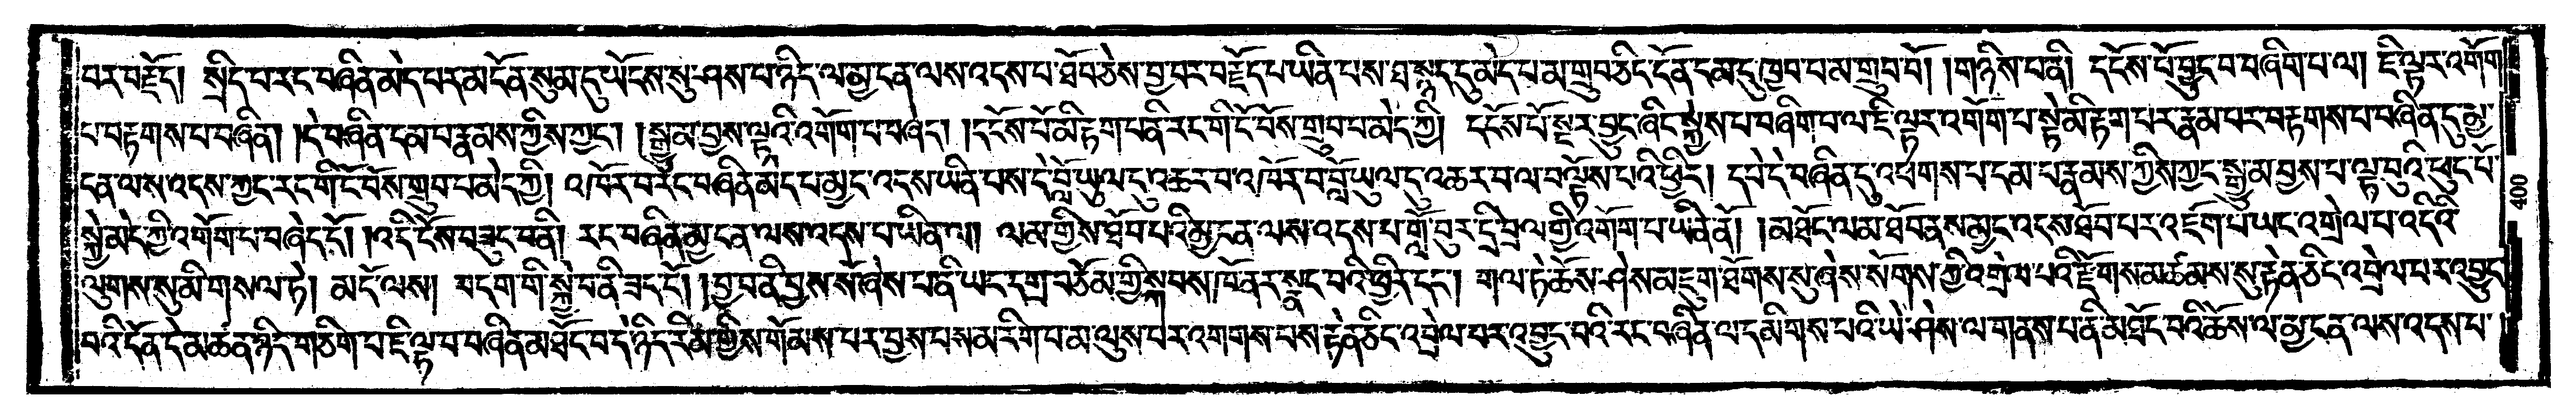བར་བརྗོད། སྲིད་པ་རང་བཞིན་མེད་པར་མངོན་སུམ་དུ་ཡོངས་སུ་ཤས་པ་ཉིད་ལ་མྱ་ངན་ལས་འདས་པ་ཐོབ་ཅེས་བྱ་བར་བརྗོད་པ་ཡིན་པས་ཐ་སྙད་དུ་མེད་པ་མ་གྲུབ་ཅིང་དོན་དམ་དུ་ཁྱབ་པ་མ་གྲུབ་བོ། །གཉིས་པ་ནི། དངོས་པོ་བྱུང་བ་བཞིག་པ་ལ། ཇི་ལྟར་འགོག་
པ་བརྟགས་པ་བཞིན། །དེ་བཞིན་དམ་པ་རྣམས་ཀྱིས་ཀྱང་། །སྒྱུ་མ་བྱས་ལྟའི་འགོག་པ་བཞེད། །དངོས་པོ་མི་རྟག་པ་ནི་རང་གི་ངོ་བོས་གྲུབ་པ་མེད་ཀྱི། དངོས་པོ་སྔར་བྱུང་ཞིང་སྐྱེས་པ་བཞིག་པ་ལ་ཇི་ལྟར་འགོག་པ་སྟེ་མི་རྟག་པར་རྣམ་པར་བརྟགས་པ་བཞིན་དུ་མྱ་
ངན་ལས་འདས་ཀྱང་རང་གི་ངོ་བོས་གྲུབ་པ་མེད་ཀྱི། འཁོར་བ་རང་བཞིན་མེད་པ་མྱང་འདས་ཡིན་པས་དེ་བློ་ཡུལ་དུ་འཆར་བ་འཁོར་བ་བློ་ཡུལ་དུ་འཆར་བ་ལ་བལྟོས་པའི་ཕྱིར། དཔེ་དེ་བཞིན་དུ་འཕགས་པ་དམ་པ་རྣམས་ཀྱིས་ཀྱང་སྒྱུ་མ་བྱས་པ་ལྟ་བུའི་ཕུང་པོ་
སྐྱེ་མེད་ཀྱི་འགོག་པ་བཞེད་དོ། །འདི་ངོས་བཟུང་བ་ནི། རང་བཞིན་མྱ་ངན་ལས་འདས་པ་ཡིན་ལ། ལམ་གྱིས་ཐོབ་པའི་མྱ་ངན་ལས་འདས་པ་གློ་བུར་དྲི་བྲལ་གྱི་འགོག་པ་ཡིན་ནོ། །མཐོང་ལམ་ཐོབ་ནས་མྱང་འདས་ཐོབ་པར་འཛོག་པ་ཡང་འགྲེལ་པ་འདིའི་
ལུགས་སུ་མི་གསལ་ཏེ། མདོ་ལས། བདག་གི་སྐྱེ་བ་ནི་ཟད་དོ། །བྱ་བ་ནི་བྱས་སོ་ཞེས་པ་ནི་ཡང་དགྲ་བཅོམ་གྱི་སྐབས་ཁོ་ནར་སྣང་བའི་ཕྱིར་དང་། གལ་ཏེ་ཆོས་ཤེས་མཇུག་ཐོགས་སུ་ཞེས་སོགས་ཀྱི་འགྲེལ་པའི་རྫོགས་མཚམས་སུ་རྟེན་ཅིང་འབྲེལ་པར་འབྱུང་
བའི་དོན་དེ་མཚན་ཉིད་གཅིག་པ་ཇི་ལྟ་བ་བཞིན་མཐོང་བ་དེ་ཉིད་རིམ་གྱིས་གོམས་པར་བྱས་པས་མ་རིག་པ་མ་ལུས་པར་འགགས་པས་རྟེན་ཅིང་འབྲེལ་པར་འབྱུང་བའི་རང་བཞིན་ལ་དམིགས་པའི་ཡེ་ཤེས་ལ་གནས་པ་ནི་མཐོང་བའི་ཆོས་ལ་མྱ་ངན་ལས་འདས་པ་